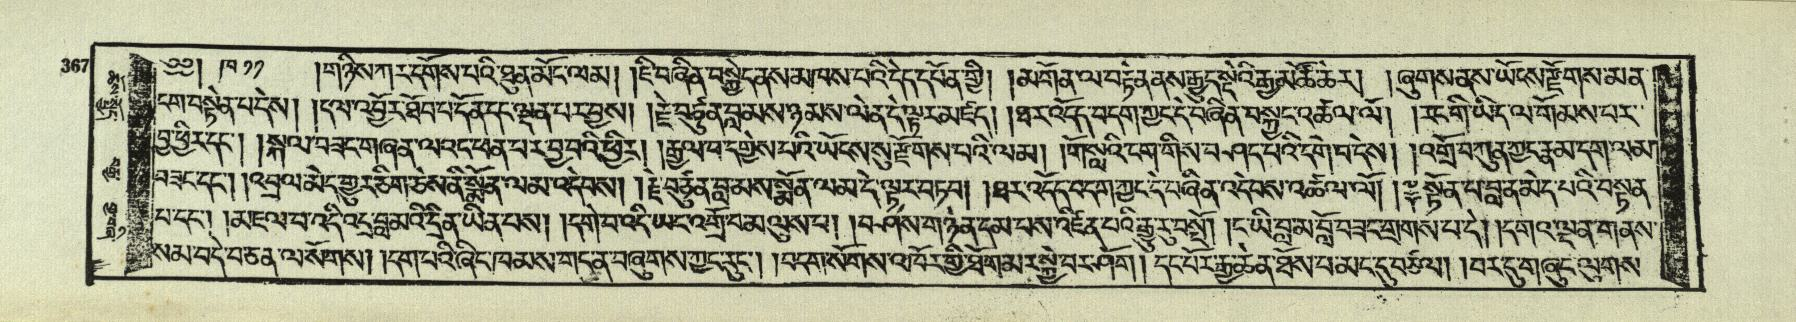༄༅། ཁ ༡༡་།གཉིས་ཀར་དགོས་པའི་ཐུན་མོང་ལམ། །ཇི་བཞིན་བསྐྱེད་ནས་མཁས་པའི་དེད་དཔོན་གྱི། །མགོན་ལ་བརྟེན་ནས་རྒྱུད་སྡེའི་རྒྱ་མཚོ་ཆེར། །ཞུགས་ནས་ཡོངས་རྫོགས་མན་
དག་བསྟེན་པ་དེས། །དལ་འབྱོར་ཐོབ་པ་དོན་དང་ལྡན་པར་བྱས། །རྗེ་བཙུན་བླ་མས་ཉམས་ལེན་དེ་ལྟར་མཛད། །ཐར་འདོད་བདག་ཀྱང་དེ་བཞིན་བསྐྱང་འཚལ་ལོ། །རང་གི་ཡིད་ལ་གོམས་པར་
བྱ་ཕྱིར་དང་། །སྐལ་བཟང་གཞན་ལའང་ཕན་པར་བྱ་བའི་ཕྱིར། །རྒྱལ་བ་དགྱེས་པའི་ཡོངས་སུ་རྫོགས་པའི་ལམ། །གོ་སླའི་ངག་གིས་བཤད་པའི་དགེ་བ་དེས། །འགྲོ་བ་ཀུན་ཀྱང་རྣམ་དག་ལམ་
བཟང་དང་། །འབྲལ་མེད་གྱུར་ཅིག་ཅེས་ནི་སྨོན་ལམ་འདེབས། །རྗེ་བཙུན་བླ་མས་སྨོན་ལམ་དེ་ལྟར་བཏབ། །ཐར་འདོད་བདག་ཀྱང་དེ་བཞིན་འདེབས་འཚལ་ལོ། །འྶྟོན་པ་བླ་ན་མེད་པའི་བསྟན་
པ་དང་། །མཇལ་པ་འདི་འདྲ་བླ་མའི་དྲིན་ཡིན་པས། །དགེ་བ་འདི་ཡང་འགྲོ་བ་མ་ལུས་པ། །བཤེས་གཉེན་དམ་པས་འཛིན་པའི་རྒྱུ་རུ་བསྔོ། །ང་ཡི་བླ་མ་བློ་བཟང་གྲགས་པ་དེ། །དགའ་ལྡན་གནས་
སམ་བདེ་བ་ཅན་ལ་སོགས། །དག་པའི་ཞིང་ཁམས་གད་ན་བཞུགས་ཀྱང་རུང་། །བདག་སོགས་འཁོར་གྱི་ཐོག་མར་སྐྱེ་བར་ཤོག །དང་པོར་རྒྱ་ཆེན་ཐོས་པ་མང་དུ་བཙལ། །བར་དུ་གཞུང་ལུགས་